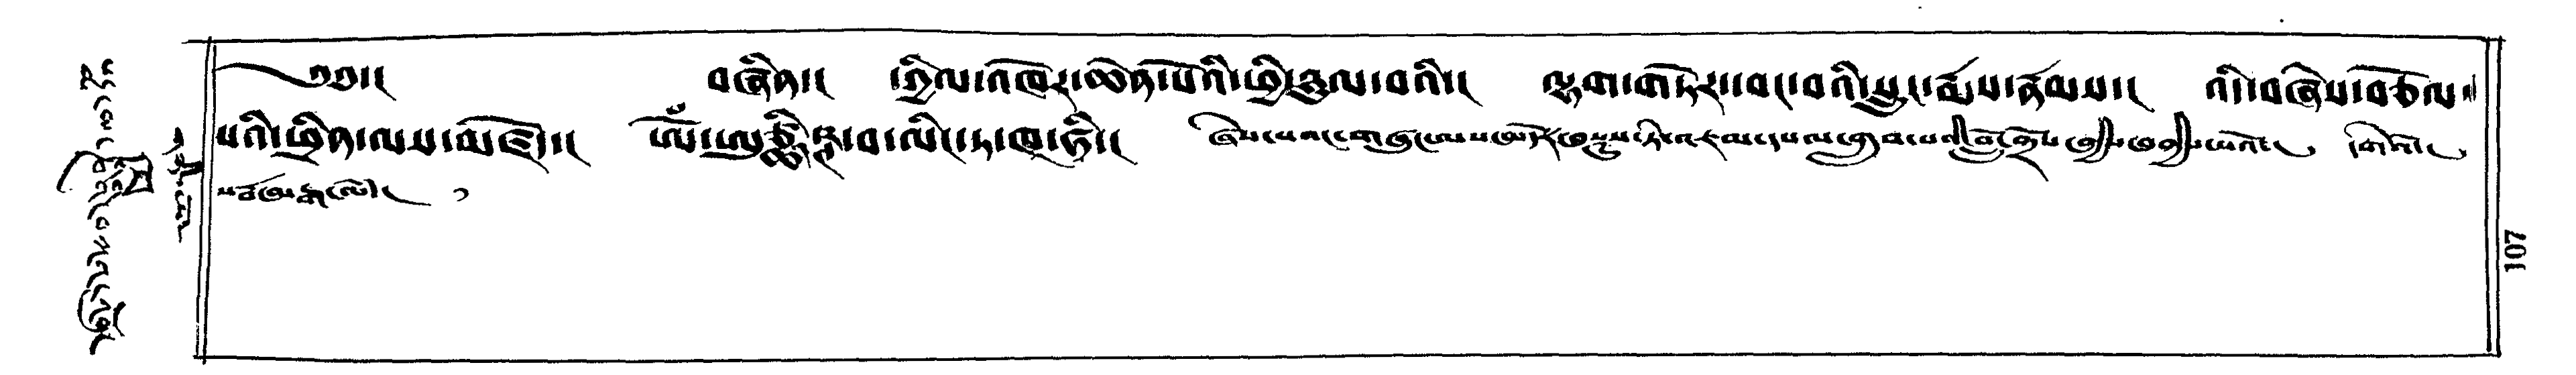བཞིན། །དཀྱིལ་འཁོར་ཆེན་པོའི་ཕྱི་ཉུལ་བའི། །ལྷག་གཏོར་དབང་བའི་སྲུང་མ་རྣམས། །འདི་བཞེས་བཅོལ་
པའི་ཕྲིན་ལས་མཛོད། །ཨོཾ་ཨུཙྪིཥྚ་བ་ལིང་ཏ་ཁཱ་ཧི། ཞེས་པའང་གཞུང་ལཨ་མདོར་བསྡུས་ཏེ་འཇམ་དཔལ་གྲུབ་པའི་བློ་གྲོས་གྱིས་བགྱིས་པའོ། དགེའོ།། 
སརྦ་མངྒ་ལཾ།།